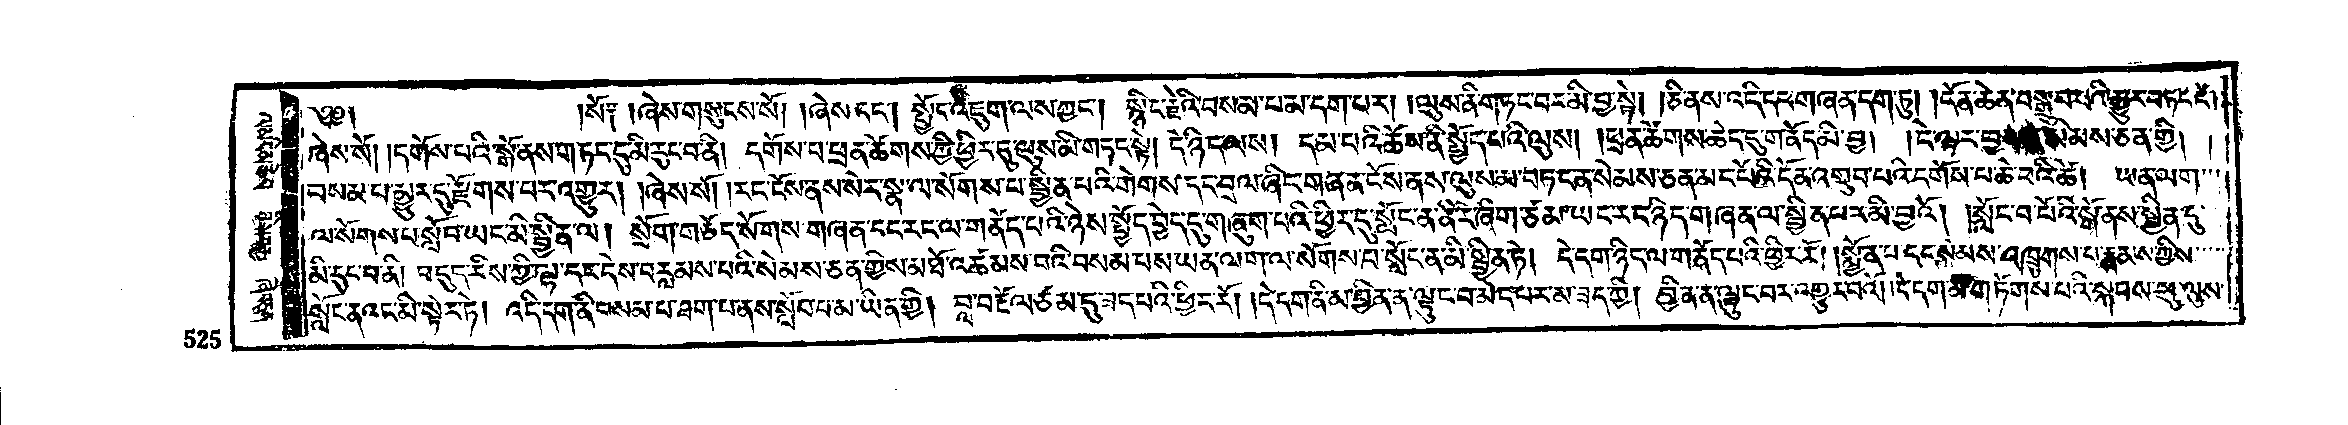༄༅། །སོ༑ ༑ཞེས་གསུངས་སོ། །ཞེས་དང་། སྤྱོད་འཇུག་ལས་ཀྱང་། སྙིང་རྗེའི་བསམ་པ་མ་དག་པར། །ལུས་ནི་གཏང་བར་མི་བྱ་སྟེ། །ཅི་ནས་འདི་དང་གཞན་དག་ཏུ། །དོན་ཆེན་བསྒྲུབ་པའི་རྒྱུར་བཏང་ངོ། །
ཞེས་སོ། །དགོས་པའི་སྒོ་ནས་གཏང་དུ་མི་རུང་བ་ནི། དགོས་པ་ཕྲན་ཚེགས་ཀྱི་ཕྱིར་དུ་ལུས་མི་གཏང་སྟེ། དེ་ཉིད་ལས། དམ་པའི་ཆོས་ནི་སྤྱོད་པའི་ལུས། །ཕྲན་ཚོགས་ཆེད་དུ་གནོད་མི་བྱ། །དེ་ལྟར་བྱས་ན་སེམས་ཅན་གྱི། །
བསམ་པ་མྱུར་དུ་རྫོགས་པར་འགྱུར། །ཞེས་སོ། །རང་ངོས་ནས་སེར་སྣ་ལ་སོགས་པ་སྦྱིན་པའི་གེགས་དང་བྲལ་ཞིང་གཞན་ངོས་ནས་ལུས་མ་བཏང་ན་སེམས་ཅན་མང་པོའི་དོན་འགྲུབ་པའི་དགོས་པ་ཆེ་བའི་ཚེ། ཡན་ལག་
ལ་སོགས་པ་སློང་ཡང་མི་སྦྱིན་ལ། སྲོག་གཅོད་སོགས་གཞན་དང་རང་ལ་གནོད་པའི་ཉེས་སྤྱོད་བྱེད་དུ་གཞུག་པའི་ཕྱིར་དུ་སློང་ན་ནི་རེ་ཞིག་ཙམ་ཡང་རང་ཉིད་གཞན་ལ་སྦྱིན་པར་མི་བྱའོ། །སློང་བ་པོའི་སྒོ་ནས་སྦྱིན་དུ་
མི་རུང་བ་ནི། བདུད་རིས་ཀྱི་ལྷ་དང་དེས་བརླམས་པའི་སེམས་ཅན་གྱིས་མཐོ་འཚམས་པའི་བསམ་པས་ཡན་ལག་ལ་སོགས་པ་སློང་ན་མི་སྦྱིན་ཏེ། དེ་དག་ཉིད་ལ་གནོད་པའི་ཕྱིར་རོ། །སྨྱོན་པ་དང་སེམས་འཁྲུགས་པ་རྣམས་ཀྱིས་
སློང་ནའང་མི་སྟེར་ཏེ། འདི་དག་ནི་བསམ་པ་ཐག་པ་ནས་སློང་བ་མ་ཡིན་གྱི། བླ་བརྡོལ་ཙམ་དུ་ཟད་པའི་ཕྱིར་རོ། །དེ་དག་ནི་མ་བྱིན་ན་ལྟུང་བ་མེད་པར་མ་ཟད་ཀྱི། བྱིན་ན་ལྟུང་བར་འགྱུར་བའོ། །དེ་དག་མ་གཏོགས་པའི་སྐབས་སུ་ལུས་